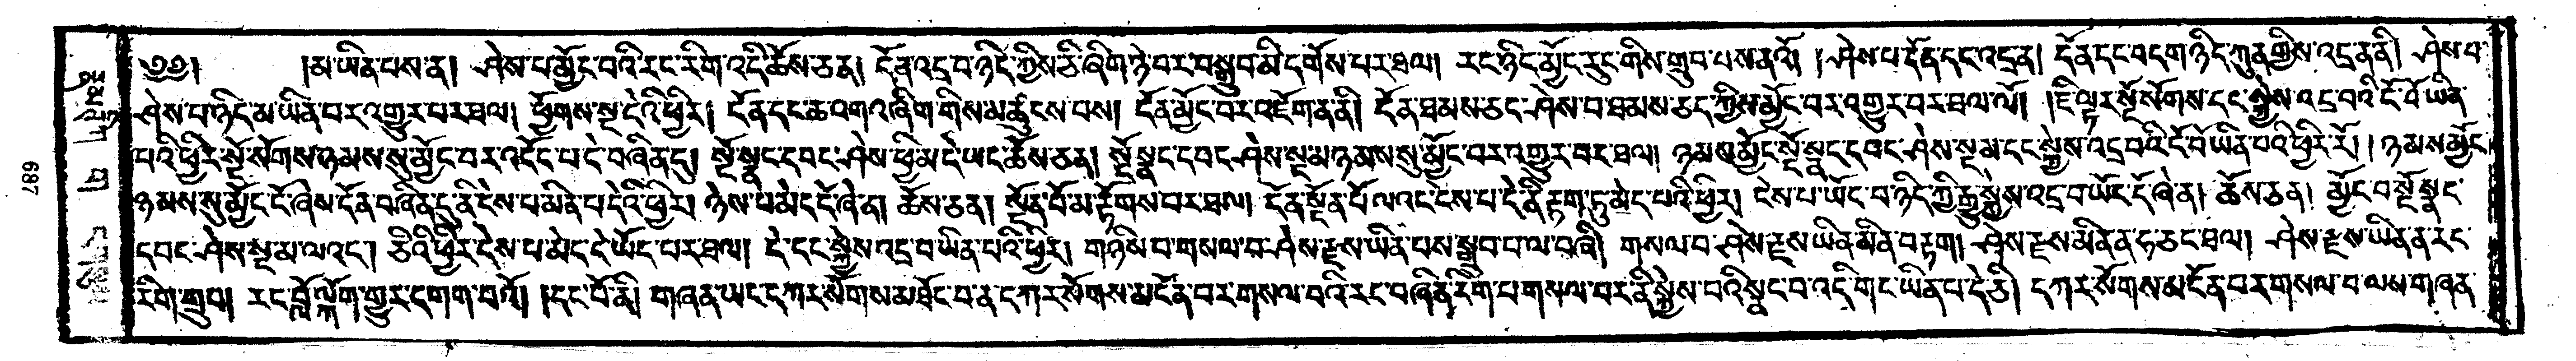༄༅། །མ་ཡིན་པས་ན། ཤེས་པ་མྱོང་བའི་རང་རིག་འདི་ཆོས་ཅན། དོན་འདྲ་བ་ཉིད་ཀྱིས་ཅི་ཞིག་ཉེ་བར་བསྒྲུབ་མི་དགོས་པར་ཐལ། རང་ཉིད་མྱོང་རུང་གིས་གྲུབ་པས་ནའོ། །ཤེས་པ་དོན་དང་འདྲན། དོན་དང་བདག་ཉིད་ཀུན་གྱིས་འདྲ་ན་ནི། ཤེས་པ་
ཤེས་པ་ཉིད་མ་ཡིན་པར་འགྱུར་པར་ཐལ། ཕྱོགས་སྔ་དེའི་ཕྱིར། དོན་དང་ཆ་འགའ་ཞིག་གིས་མཚུངས་པས། དོན་མྱོང་བར་འཇོག་ན་ནི། དོན་ཐམས་ཅད་ཤེས་པ་ཐམས་ཅད་ཀྱིས་མྱོང་བར་འགྱུར་བར་ཐལ་ལོ། །ཇི་ལྟར་སྔོ་སོགས་དང་སྐྱེས་འདྲ་བའི་ངོ་བོ་ཡིན་
པའི་ཕྱིར་སྔོ་སོགས་ཉམས་སུ་མྱོང་བར་འདོད་པ་དེ་བཞིན་དུ། སྔོ་སྣང་དབང་ཤེས་ཕྱི་མ་དེ་ཡང་ཆོས་ཅན། སྔོ་སྣང་དབང་ཤེས་སྔ་མཉམས་སུ་མྱོང་བར་འགྱུར་བར་ཐལ། ཉམས་མྱོང་སྔོ་སྣང་དབང་ཤེས་སྔ་མ་དང་སྐྱེས་འདྲ་བའི་ངོ་བོ་ཡིན་པའི་ཕྱིར་རོ། །ཉམས་མྱོང་
ཉམས་སུ་མྱོང་ངོ་ཞེས་དོན་བཞིན་དུ་ནི་ངེས་པ་མིན་པ་དེའི་ཕྱིར། ཉེས་པ་མེད་དོ་ཞེ་ན། ཆོས་ཅན། སྔོན་པོ་མ་རྟོགས་པར་ཐལ། དོན་སྔོན་པོ་ལའང་ངེས་པ་དེ་ནི་རྟག་ཏུ་མེད་པའི་ཕྱིར། ངེས་པ་ཡོད་པ་ཉིད་ཀྱི་རྒྱུ་སྐྱེས་འདྲ་བ་ཡོད་དོ་ཞེ་ན། ཆོས་ཅན། མྱོང་བ་སྔོ་སྣང་
དབང་ཤེས་སྔ་མ་ལའང་། ཅིའི་ཕྱིར་ངེས་པ་མེད་དེ་ཡོད་པར་ཐལ། དེ་དང་སྐྱེས་འདྲ་བ་ཡིན་པའི་ཕྱིར། གཉིས་བ་གསལ་བ་ཤེས་རྫས་ཡིན་པས་སྒྲུབ་པ་ལ་བཞི། གསལ་བ་ཤེས་རྗེས་ཡིན་མིན་བརྟག། ཤེས་རྫས་མིན་ན་ཧ་ཅང་ཐལ། ཤེས་རྫས་ཡིན་ན་རང་
རིག་གྲུབ། རང་བློ་ལྐོག་གྱུར་དགག་པའོ། །དང་པོ་ནི། གཞན་ཡང་དཀར་སོགས་མཐོང་བ་ན་དཀར་སོགས་མངོན་པར་གསལ་བའི་རང་བཞིན་རིག་པ་གསལ་བར་ནི་སྐྱེས་པའི་སྣང་བ་འདི་གང་ཡིན་པ་དེ་ཅི། དཀར་སོགས་མངོན་བར་གསལ་བ་ལས་གཞན་